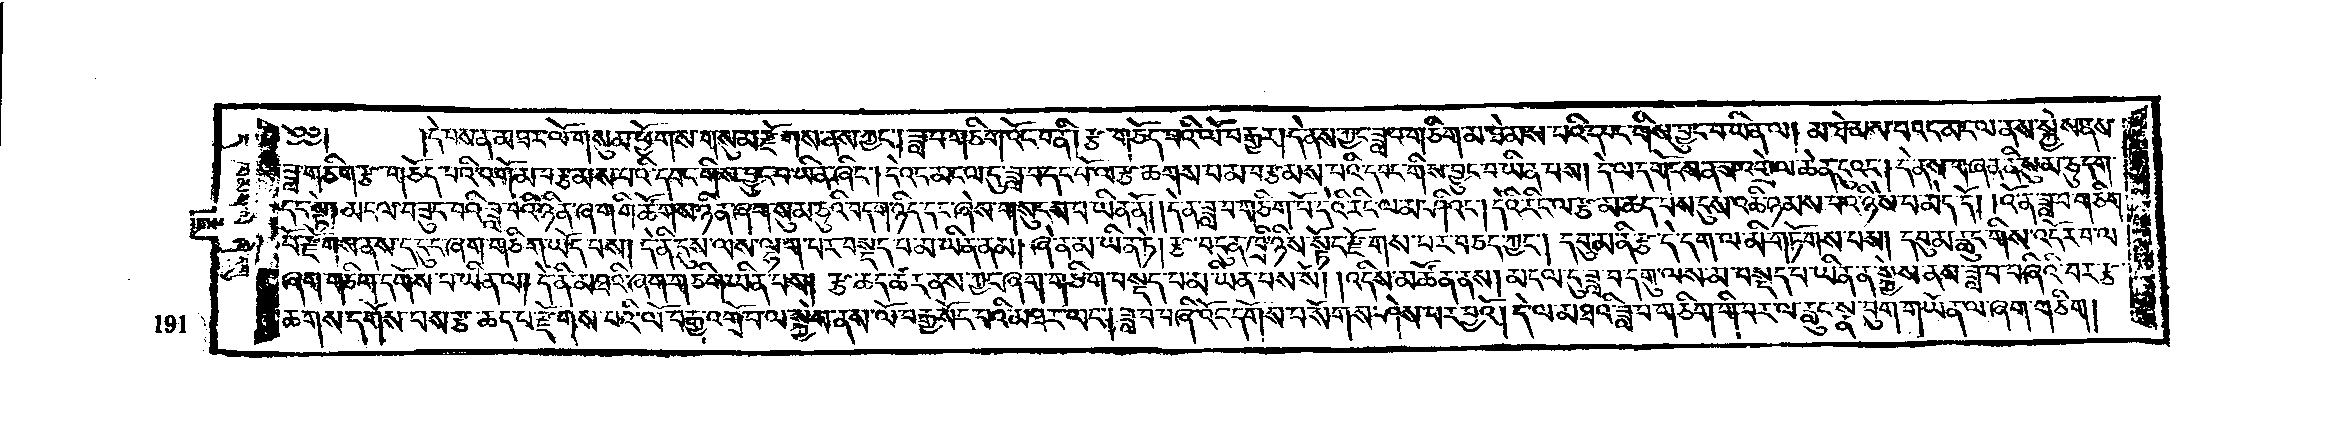༄༅། །དེ་བས་ན་མཐར་ལོ་གསུམ་ཕྱོགས་གསུམ་རྫོགས་ནས་ཀྱང་། ཟླ་བ་གཅིག་འོང་བ་ནི། རྩ་གཅོད་པའི་ལོ་བརྒྱར། དེ་ནས་ཀྱང་ཟླ་བ་གཅིག་མ་ཐེམས་པའི་དབང་གིས་བྱུང་བ་ཡིན་ལ། མ་ཐེམས་པའང་མངལ་ནས་སྐྱེས་ནས་
ཟླ་གཅིག་རྩ་གཅོད་པའི་འགོམ་བརྩམས་པའི་དབང་གིས་བྱུང་བ་ཡིན་ཞིང་། དེའང་མངལ་དུ་ཟླ་བ་དང་པོ་ལ་རྩ་ཆགས་པ་མ་བརྩམས་པའི་དབང་གིས་བྱུང་བ་ཡིན་པས། དེ་ལ་དགོངས་ནས་འགྲེལ་ཆེན་དུའང་། དེ་ནས་གཞན་ནི་སུམ་ཅུ་དག་
དང་སྟེ། མངལ་བཟུང་བའི་ཟླ་བའི་ཉིན་ཞག་གི་ཚོགས་ཉིན་ཞག་སུམ་ཅུའི་བདག་ཉིད་དང་ཞེས་གསུངས་པ་ཡིན་ནོ། །དེ་ན་ཟླ་བ་གཅིག་པོ་དེའི་རིང་ལ་མ་ཤིའང་། དེའི་རིང་ལ་རྩ་མ་ཆད་པས་དུས་འཆི་ཉམས་པའི་ཉེས་པ་མེད་དོ། །འོ་ན་ཟླ་བ་གཅིག་
པོ་རྫོགས་ནས་ད་དུང་ཞག་གཅིག་ཡོད་པས། དེ་ནི་དུས་ལས་ལྷག་པར་བསྡད་པ་མ་ཡིན་ནམ། ཞེ་ན་མ་ཡིན་ཏེ། རྩ་བདུན་ཁྲི་ཉིས་སྟོང་རྫོགས་པར་བཅད་ཀྱང་། དབུ་མ་ནི་རྩ་དེ་དག་ལ་མི་གཏོགས་པས། དབུ་མ་རླུང་གིས་འདོར་བ་ལ་
ཞག་གཅིག་དགོས་པ་ཡིན་ལ། དེ་ནི་མཐའི་ཞག་གཅིག་ཡིན་པས། རྩ་ཆད་ཚར་ནས་ཀྱང་ཞག་གཅིག་བསྡད་པ་མ་ཡིན་པས་སོ། །འདིས་མཚོན་ནས། མངལ་དུ་ཟླ་བ་དགུ་ལས་མ་བསྡད་པ་ཡིན་ན་སྐྱེས་ནས་ཟླ་བ་བཞིའི་བར་རྩ་
ཆགས་དགོས་པས་རྩ་ཆད་པ་རྫོགས་པའི་ལོ་བརྒྱ་འགྲོ་བ་ལ་སྐྱེས་ནས་ལོ་བརྒྱ་སོང་བའི་མཐར་ཡང་། ཟླ་བ་བཞི་འོང་དགོས་པ་སོགས་ཤེས་པར་བྱའོ། དེ་ལ་མཐའི་ཟླ་བ་གཅིག་གི་བར་ལ་རླུང་སྣ་བུག་གཡོན་ལ་ཞག་གཅིག །